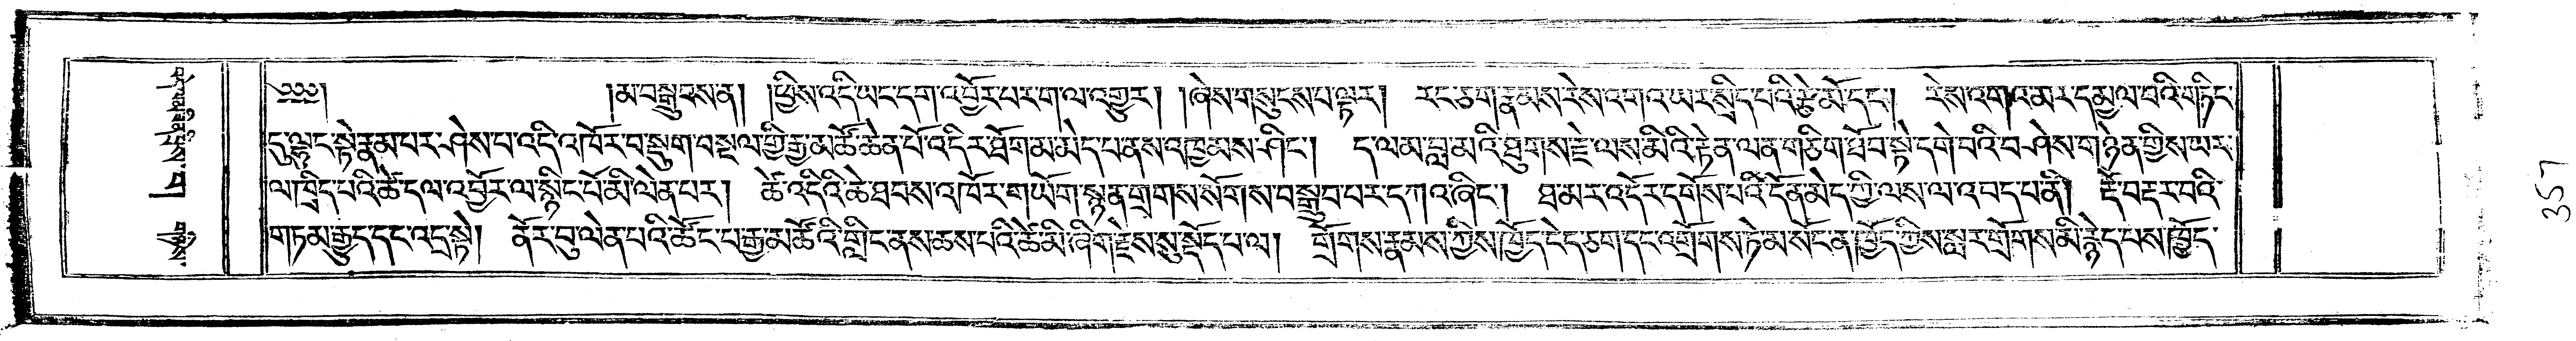༄༅༅། །མ་བསྒྲུབས་ན༑ །ཕྱིས་འདི་ཡང་དག་འབྱོར་པར་ག་ལ་འགྱུར། །ཞེས་གསུངས་པ་ལྟར། རང་ཅག་རྣམས་རེས་འགའ་ཡར་སིད་པའི་རྩེ་མོ་དང་། རེས་འགའ་མར་དམྱལ་བའི་གཏིང་
དུ་ལྷུང་སྟེ་རྣམ་པར་ཤེས་པ་འདི་འཁོར་བསྡུག་བསྔལ་གྱི་རྒྱ་མཚོ་ཆེན་པོ་འདིར་ཐོག་མ་མེད་པ་ནས་འཁྱམས་ཤིང་། ད་ལམ་བླ་མའི་ཐུགས་རྗེ་ལས་མིའི་རྟེན་ལན་གཅིག་ཐོབ་སྟེ་དགེ་བའི་བཤེས་གཉེན་གྱིས་ཡར་
ལ་ཁྲིད་པའི་ཚེ་དལ་འབྱོར་ལ་སྙིང་པོ་མི་ལེན་པར། ཚེ་འདིའི་ཆེ་ཐབས་འཁོར་གཡོག་སྙན་གྲགས་སོགས་བསྒྲུབ་པར་དཀའ་ཞིང་། ཐ་མར་འདོར་དགོས་པའི་དོན་མེད་ཀྱི་ལས་ལ་འབད་པ་ནི། རྡོ་བརྡར་བའི་
གཏམ་རྒྱུད་དང་འདྲ་སྟེ། ནོར་བུ་ལེན་པའི་ཚོང་པ་རྒྱ་མཚོའི་གླིང་ནས་ཆས་པའི་ཚེ་མི་ཞིག་རྗེས་སུ་སྡོད་པ་ལ། གྲོགས་རྣམས་ཀྱིས་ཁྱོད་ངེད་ཅག་དང་འགྲོགས་ཏེ་མ་སོང་ན་ཁྱོད་ཀྱིས་སླར་གྲོགས་མི་རྙེད་པས་ཁྱོད་